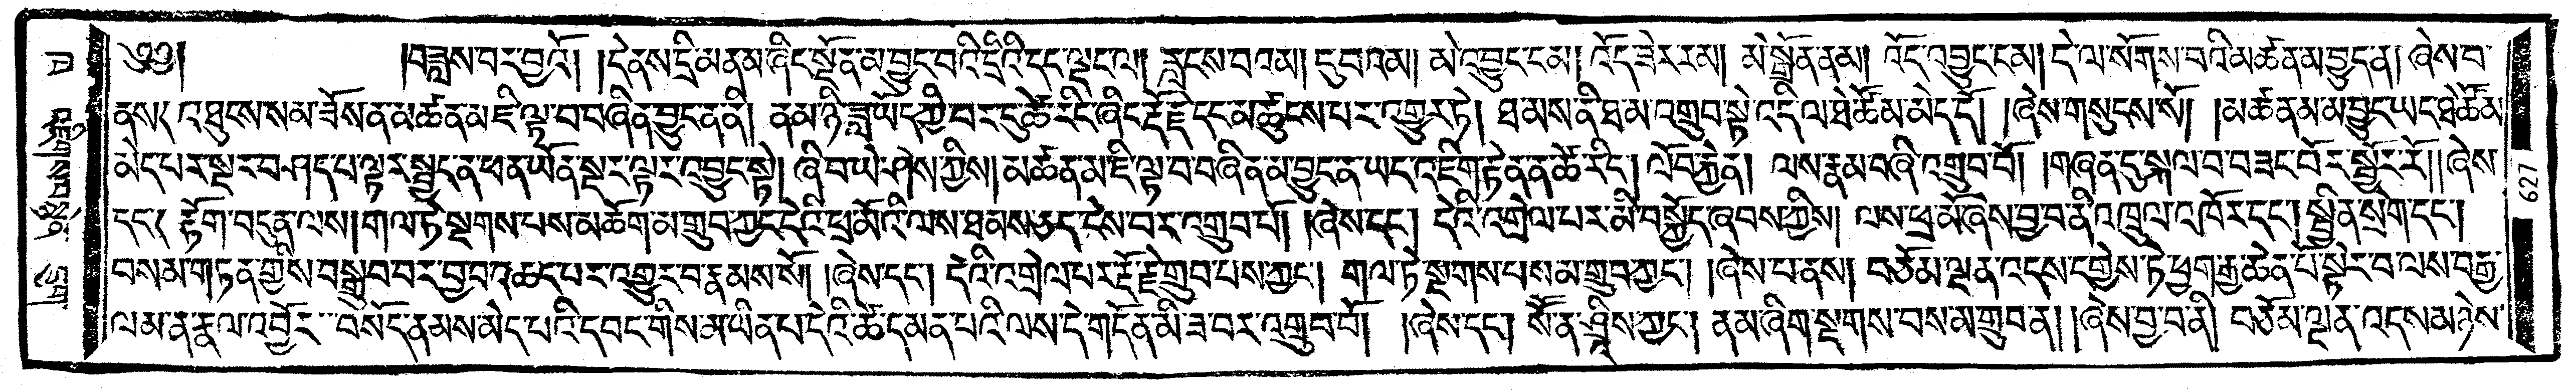༄༅། །བཟླས་བར་བྱའོ། །དེ་ནས་དྲི་མ་ནམ་ཞིང་སྔོན་མ་བྱུང་བའི་དྲིའི་དང་ལྡང་ལ། རླངས་བའམ། དུ་བའམ། མེ་འབྱུང་ངམ། འོད་ཟེར་རམ། མེ་སྒྲོན་ནམ། འོད་འབྱུང་ངམ། དེ་ལ་སོགས་པའི་མཚན་མ་བྱུང་ན། ཞེས་པ་
ནས༑ འཐུངས་སམ་ཟོས་ན་མཚན་མ་ཇི་ལྟ་བ་བཞིན་བྱུང་ན་ནི། ནམ་ཉི་ཟླ་ཡོད་ཀྱི་བར་དུ་ཚེ་རིང་ཞིང་རྡོ་རྗེ་དང་མཚུངས་པར་འགྱུར་ཏེ། ཐ་མས་ནི་ཐ་མ་འགྲུབ་སྟེ་འདི་ལ་ཐེ་ཚོམ་མེད་དོ། །ཞེས་གསུངས་སོ། །མཚན་མ་མ་བྱུང་ཡང་ཐེ་ཚོམ་
མེད་པར་སྔར་བཤད་པ་ལྟར་སྦྱང་ན་ཕན་ཡོན་སྔར་ལྟར་འབྱུང་སྟེ། ཞི་བ་ཡེ་ཤེས་ཀྱིས། མཚན་མ་ཇི་ལྟ་བ་བཞིན་མ་བྱུང་ན་ཡང་འཇིག་རྟེན་ན་ཚེ་རིང་། ལོབ་རྐྱེན། ལས་རྣམ་བཞི་འགྲུབ་བོ། །གཞན་དུ་སྐལ་བ་བཟང་པོར་སྦྱོར་རོ། །ཞེས་
དང༑ རྟོག་བདུན་ལས། གལ་ཏེ་སྔགས་པས་མཆོག་མ་གྲུབ་ཀྱང་དེའི་ཕྲ་མོའི་ལས་ཐམས་ཅད་ངེས་པར་འགྲུབ་བོ། །ཞེས་དང་། དེའི་འགྲེལ་པར་མི་བསྐྱོད་ཞབས་ཀྱིས། ལས་ཕྲ་མོ་ཞེས་བྱ་བ་ནི་འཁྲུལ་འཁོར་དང་། སྦྱིན་སྲེག་དང་།
བསམ་གཏན་གྱིས་བསྒྲུབ་བར་བྱ་བ་འཆད་པར་འགྱུར་བ་རྣམས་སོ། །ཞེས་དང་། དེའི་འགྲེལ་པར་རྡོ་རྗེ་གྲུབ་པས་ཀྱང་། གལ་ཏེ་སྔགས་པས་མ་གྲུབ་ཀྱང་། །ཞེས་པ་ནས། བཅོམ་ལྡན་འདས་དགྱེས་ཏེ་ཕྱག་རྒྱ་ཆེན་པོ་སྟེར་བ་ལས་བརྒྱ་
ལམ་ན་རྣལ་འབྱོར་བསོད་ནམས་མེད་པའི་དབང་གིས་མ་ཡིན་པ་དེའི་ཚེ་དམན་པའི་ལས་དེ་གདོན་མི་ཟ་བར་འགྲུབ་བོ། །ཞེས་དང་། སཽ་ན་ཤྲཱིས་ཀྱང་། ནམ་ཞིག་སྔགས་བས་མ་གྲུབ་ན། །ཞེས་བྱ་བ་ནི། བཅོམ་ལྡན་འདས་མཉེས་